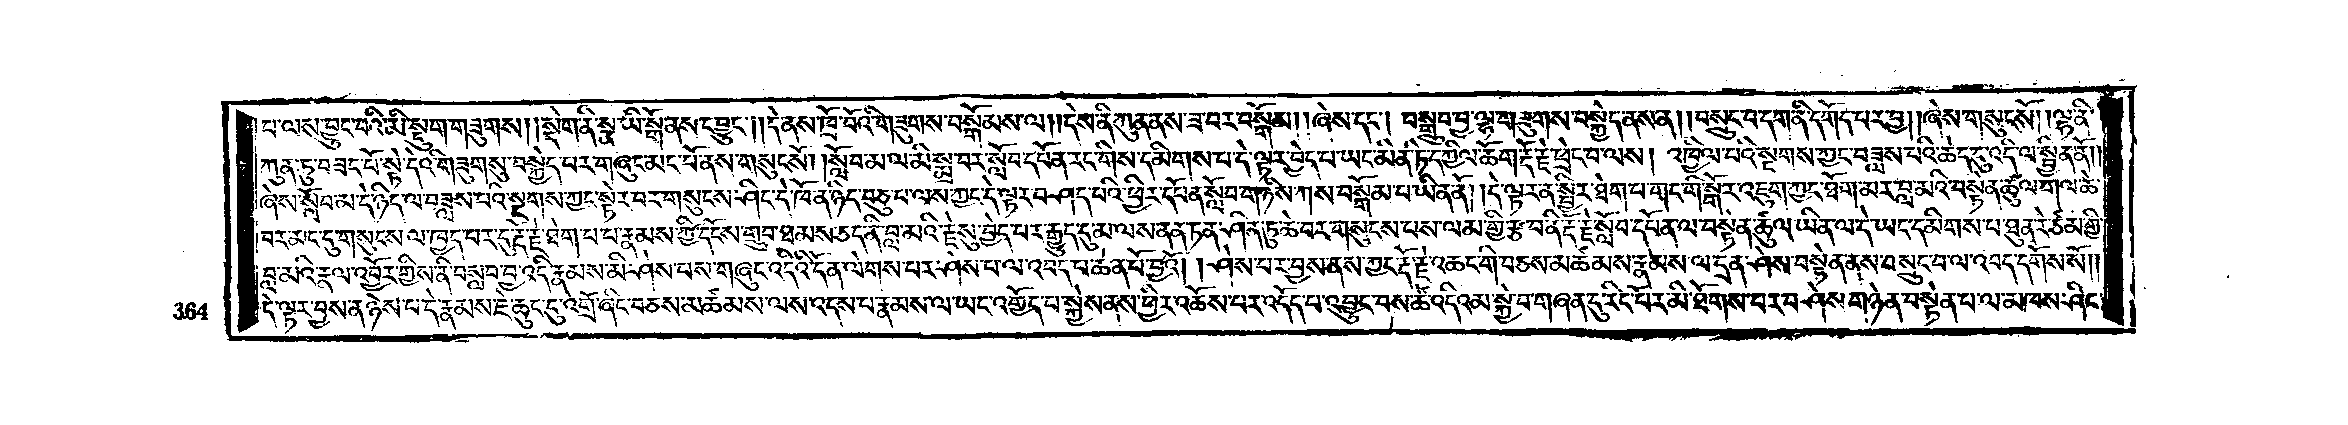པ་ལས་བྱུང་བའི་མི་སྡུག་གཟུགས། །སྡེག་ནི་སྣ་ཡི་སྒོ་ནས་ང་བྱུང་། །དེ་ནས་ཁྲོ་བོའི་གཟུགས་བསྒོམས་ལ། །དེས་ནི་ཀུན་ནས་ཟ་བར་བསྒོམ། །ཞེས་དང་། བསྒྲུབ་བྱ་ལྷ་གཟུགས་བསྐྱེད་ནས་ན། །བསྲུང་བ་དག་ནི་དགོད་པར་བྱ། །ཞེས་གསུངས་སོ། །ལྷ་ནི་
ཀུན་ཏུ་བཟང་པོ་སྟེ་དེའི་གཟུགས་སུ་བསྐྱེད་པར་གཞུང་མང་པོ་ནས་གསུངས་སོ། །སློབ་མ་ལ་མི་སྨྲ་བར་སློབ་དཔོན་རང་གིས་དམིགས་པ་དེ་ལྟར་བྱེད་པ་ཡང་མིན་ཏེ་དཀྱིལ་ཆོག་རྡོ་རྗེ་ཕྲེང་བ་ལས། འཁྱིལ་པའི་སྔགས་ཀྱང་བཟླས་པའི་ཆེད་དུ་འདི་ལ་སྦྱིན་ནོ། །
ཞེས་སློབ་མ་དེ་ཉིད་ལ་བཟླས་པའི་སྔགས་ཀྱང་སྟེར་བར་གསུངས་ཤིང་དེ་ཁོ་ན་ཉིད་བཅུ་པ་ལས་ཀྱང་དེ་ལྟར་བཤད་པའི་ཕྱིར་དཔོན་སློབ་གཉིས་ཀས་བསྒོམ་པ་ཡིན་ནོ། །དེ་ལྟར་ན་སྤྱིར་ཐེག་པ་གང་གི་སྒོར་འཇུག་ཀྱང་ཐོག་མར་བླ་མའི་བསྟེན་ཚུལ་གལ་ཆེ་
བར་མང་དུ་གསུངས་ལ་ཁྱད་པར་དུ་རྡོ་རྗེ་ཐེག་པ་པ་རྣམས་ཀྱི་དངོས་གྲུབ་ཐམས་ཅད་ནི་བླ་མའི་རྗེས་སུ་བྱེད་པར་རྒྱུད་དུ་མ་ལས་ནན་ཏན་ཤིན་ཏུ་ཆེ་བར་གསུངས་པས་ལམ་གྱི་རྩ་བ་ནི་རྡོ་རྗེ་སློབ་དཔོན་ལ་བསྟེན་ཚུལ་ཡིན་ལ་དེ་ཡང་དམིགས་པ་ཐུན་རེ་ཙམ་གྱི་
བླ་མའི་རྣལ་འབྱོར་གྱིས་ནི་བསླབ་བྱ་འདི་རྣམས་མི་ཤེས་པས་གཞུང་འདིའི་དོན་ལེགས་པར་ཤེས་པ་ལ་འབད་པ་ཆེན་པོ་བྱའོ། །ཤེས་པར་བྱས་ནས་ཀྱང་རྡོ་རྗེ་འཆང་གི་བཅས་མཚམས་རྣམས་ལ་དྲན་ཤེས་བསྟེན་ནས་བསྲུང་བ་ལ་འབད་དགོས་སོ།།
དེ་ལྟར་བྱས་ན་ཉེས་པ་དེ་རྣམས་ཇེ་ཆུང་ངུ་འགྲོ་ཞིང་བཅས་མཚམས་ལས་འདས་པ་རྣམས་ལ་ཡང་འགྱོད་པ་སྐྱེས་ནས་ཕྱིར་འཆོས་པར་འདོད་པ་འབྱུང་བས་ཚེ་འདིའམ་སྐྱེ་བ་གཞན་དུ་རིང་པོར་མི་ཐོགས་པར་བཤེས་གཉེན་བསྟེན་པ་ལ་མཁས་ཤིན་